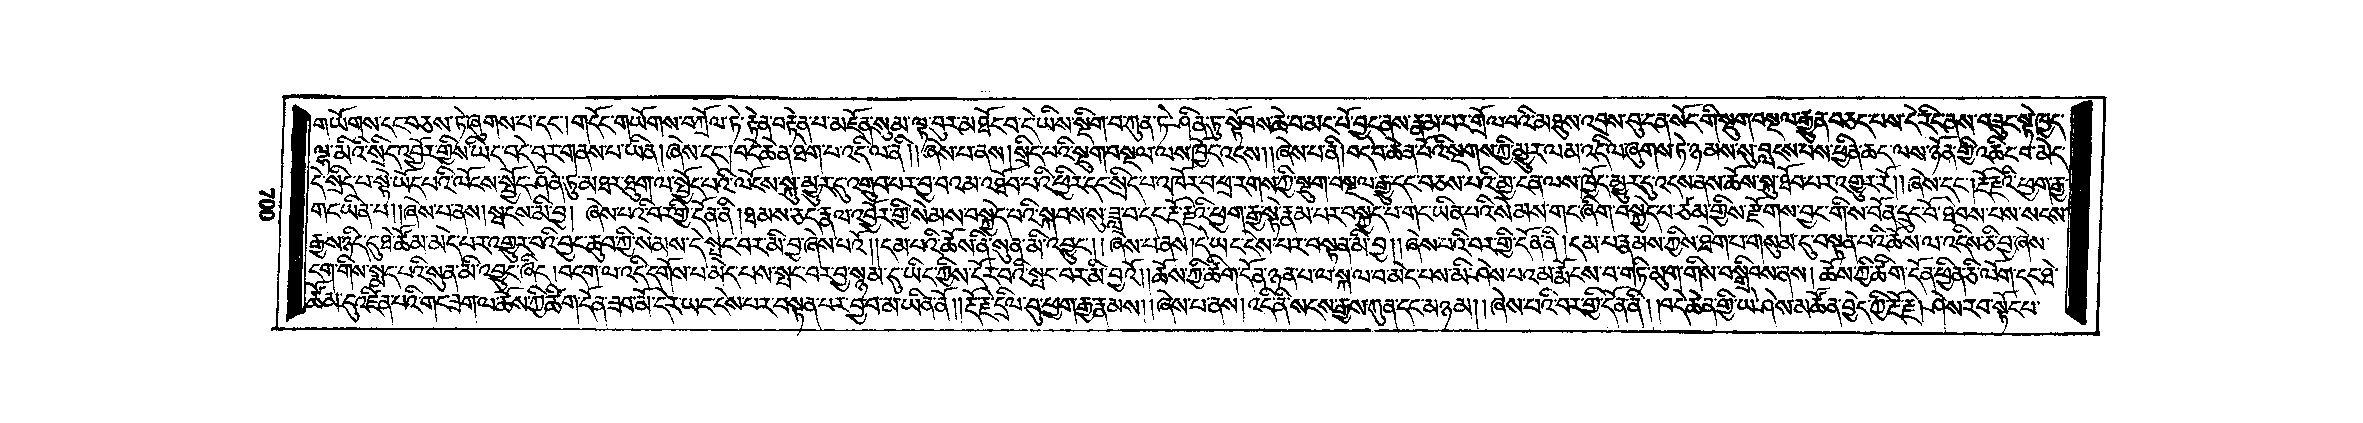གཡོགས་དང་བཅས་ཏེ་ཞུགས་པ་དང་། གདོང་གཡོགས་བཀྲོལ་ཏེ་རྟེན་བརྟེན་པ་མཇོན་སུམ་ལྟ་བུར་མཐོང་བ་དེ་ཡིས་སྡིག་བ་ཀུན་ཏེ་ཤིན་ཏུ་སྟོབས་ཆེ་བ་མང་པོ་བྱང་ནས་རྣམ་པར་གྲོལ་བའི་མཐུས་འབྲས་བུ་ངན་སོང་གི་སྡུག་བསྔལ་རྒྱུན་བཅད་པས་དེ་རིང་ནས་བཟུང་སྟེ་ཁྱད་
ལྷ་མིའི་སྲིད་འབྱོར་གྱིས་ཡིད་བདེ་བར་གནས་པ་ཡིན། ཞེས་དང་། བདེ་ཆེན་ཐག་པ་འདི་ལ་ནི། །ཞེས་པ་ནས། སྲིད་པའི་སྡུག་བསྔལ་ལས་ཁྱོད་འདས། །ཞེས་པ་ནི། བདེ་བ་ཆེན་པོའི་སྔགས་ཀྱི་མྱུར་ལམ་འདི་ལ་ཞུགས་ཏེ་ཉམས་སུ་བླངས་པས་ཕྱིན་ཆད་ལས་ཉོན་གྱི་འཆིང་བ་མེད་
དེ་སྲིད་པ་སྟེ་ཡོད་པའི་ལོངས་སྤྱོད་ཤིན་ཏུ་མཐར་ཐུག་ལ་སྤྱོད་པའི་ལོངས་སྐུ་མྱུར་དུ་འགྲུབ་པར་བྱ་བའམ་འཐོབ་པའི་ཕྱིར་དང་སྲིད་པ་འཁོར་བ་ཕྲ་རགས་ཀྱི་སྡུག་བསྔལ་རྒྱུ་དང་བཅས་པའི་མྱ་ངན་ལས་ཁྱོད་མྱུར་དུ་འདས་ནས་ཆོས་སྐུ་ཐོབ་པར་འགྱུར་རོ། །ཞེས་དང་། རྡོ་རྗེའི་ཕྱག་རྒྱ་
གང་ཡིན་པ། །ཞེས་པ་ནས། སྤངས་མི་བྱ། ཞེས་པའི་བར་གྱི་དོན་ནི། ཐམས་ཅད་རྣལ་འབྱོར་གྱི་སེམས་བསྐྱེད་པའི་སྐབས་སུ་ཟླ་བ་དང་རྡོ་རྗེའི་ཕྱག་རྒྱ་སྟེ་རྣམ་པར་བསྐྱེད་པ་གང་ཡིན་པའི་སེམས་གང་ཞིག་བསྐྱེད་པ་ཙམ་གྱིས་རྫོགས་བྱང་གི་ས་བོན་དྲུང་པོ་ཐེབས་པས་སངས་
རྒྱས་ཉིད་དུ་ཐེ་ཚོམ་མེད་པར་འགྱུར་བའི་བྱང་ཆུབ་ཀྱི་སེམས་དེ་སྤང་བར་མི་བྱ་ཞེས་པའོ། །དམ་པའི་ཆོས་ནི་སུན་མི་འབྱུང་། །ཞེས་པ་ནས། དེ་ཡང་ངེས་པར་བསྟན་མི་བྱ། །ཞེས་པའི་བར་གྱི་དོན་ནི། དམ་པ་རྣམས་ཀྱིས་ཐེག་པ་གསུམ་དུ་བསྟན་པའི་ཆོས་ལ་འདིས་ཅི་བྱ་ཞེས་
དག་གིས་སྨད་པའི་སུན་མི་འབྱུང་ཞིང་། བདག་ལ་འདི་དགོས་པ་མེད་པས་སྤང་བར་བྱ་སྙམ་དུ་ཡིད་ཀྱིས་དོར་བའི་སྤང་བར་མི་བྱའོ། །ཆོས་ཀྱི་ཚིག་དོན་ཉན་པ་ལ་སྐལ་བ་མེད་པས་མི་ཤེས་པའམ་རྨོངས་པ་གཏི་མུག་གིས་བསྒྲིབས་ནས། ཆོས་ཀྱི་ཚིག་དོན་ཕྱིན་ཅི་ལོག་དང་ཐེ་
ཚོམ་དུ་འཛིན་པའི་གང་ཟག་ལ་ཆོས་ཀྱི་ཚིག་དོན་ཟབ་མོ་དེར་ཡང་ངེས་པར་བསྟན་པར་བྱ་བ་མ་ཡིན་ནོ། །རྡོ་རྗེ་དྲིལ་བུ་ཕྱག་རྒྱ་རྣམས། །ཞེས་པ་ནས། འདི་ནི་སངས་རྒྱས་ཀུན་དང་མཉམ། །ཞེས་པའི་བར་གྱི་དོན་ནི། །བདེ་ཆེན་གྱི་ཡེ་ཤེས་མཚོན་བྱེད་ཀྱི་རྡོ་རྗེ། ཤེས་རབ་སྟོང་པ་